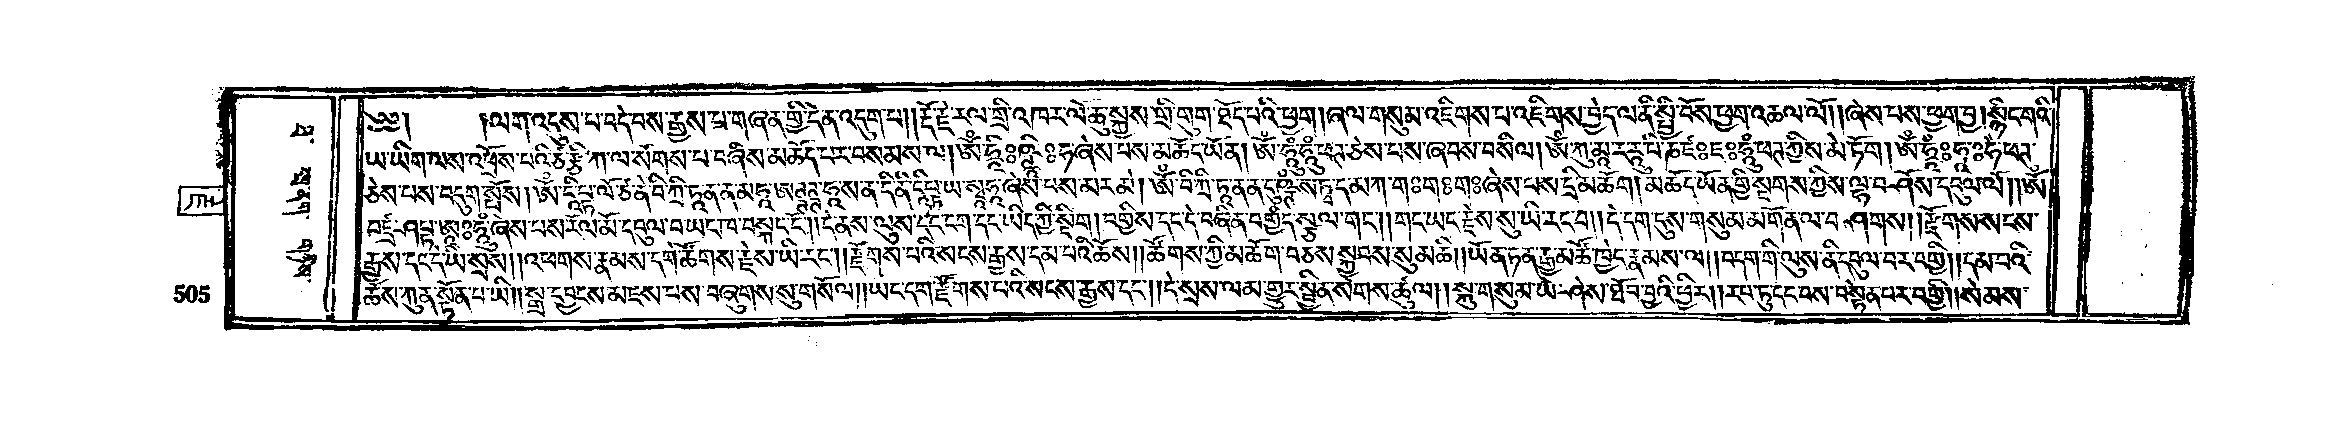༄༅། །ལག་འདུས་པ་བདེ་བས་རྒྱས་པ་གཞན་གྱི་དོན་འདུག་པ། །རྡོ་རྗེ་རལ་གྲི་འཁར་ལོ་ཆུ་སྐྱས་གྲི་གུག་ཐོད་པའི་ཕྱག །ཞལ་གསུམ་འཇིགས་པ་འཇིགས་བྱེད་ལ་ནི་སྤྱི་བོས་ཕྱག་འཚལ་ལོ། །ཞེས་པས་ཕྱག་བྱ། སྙིང་གའི་
ཡ་ཡིག་ལས་འཕྲོས་པའི་ཙ་རྩི་ཀ་ལ་སོགས་པ་བཞིས་མཆོད་པར་བསམས་ལ། ཨོཾ་ཧྲཱིཿ ཥྚྲཱིཿ ཧ་ཞེས་པས་མཆོད་ཡོན། ཨོཾ་ཧཱུཾ་ཧཱུཾ་ཕཊ་ཅེས་པས་ཞབས་བསིལ། ཨོཾ་ཀུ་མཱ་ར་རཱུ་པི་ཎ་ཛཿ ཛཿ ཧཱུཾ་ཕཊ་ཀྱིས་མེ་ཏོག །ཨོཾ་ཧྲཱིཿ ཧཱཿ ཧཻ་ཕཊ་
ཅེས་པས་བདུག་སྤོས། ཨོཾ་དཱི་པྟ་ལོ་ཙ་ནེ་བི་ཀྲི་ཏཱ་ན་ན་མཧཱ་ཨཊྚཊྚ་ཧཱ་ས་ན་དི་ནི་དཱི་པྟ་ཡ་སྭཱཧཱ་ཞེས་པས་མར་མེ། ཨོཾ་བི་ཀྲི་ཏཱ་ན་ན་དུཥྚཾ་སཏྭ་ད་མ་ཀ་གཿ གཿ གཿ ཞེས་པས་དྲི་མཆོག །མཆོད་ཡོན་གྱི་སྔགས་ཀྱིས་ལྷ་བཤོས་དབུལ་ལོ། །ཨོཾ་
བཛྲ་ཤཔྟ་ཨཱཿ ཧཱུཾ་ཞེས་པས་རོལ་མོ་དབུལ་བ་ཡང་ཁ་བསྐང་ངོ། །དེ་ནས་ལུས་དང་ངག་དང་ཡིད་ཀྱི་སྡིག །བགྱིས་དང་དེ་བཞིན་བགྱིད་སྩལ་གང་། །གང་ཡང་རྗེས་སུ་ཡི་རང་བ། །དེ་དག་དུས་གསུམ་མགོན་ལ་བཤགས། །རྫོགས་སངས་
རྒྱས་དང་དེ་ཡི་སྲས། །འཕགས་རྣམས་དགེ་ཚོགས་རྗེས་ཡི་རང་། །རྫོགས་པའི་སངས་རྒྱས་དམ་པའི་ཆོས། །ཚོགས་ཀྱི་མཆོག་བཅས་སྐྱབས་སུ་མཆི། །ཡོན་ཏན་རྒྱ་མཚོ་ཁྱེད་རྣམས་ལ། །བདག་གི་ལུས་ནི་དབུལ་བར་བགྱི། །དམ་པའི་
ཆོས་ཀུན་སྟོན་པ་ཡི། །སྒྲ་དབྱངས་མཛེས་པས་བཞུགས་སུ་གསོལ། །ཡང་དག་རྫོགས་པའི་སངས་རྒྱས་དང་། །དེ་སྲས་ལམ་གྱུར་སྦྱིན་སོགས་ཚུལ། །སྐུ་གསུམ་ཡེ་ཤེས་ཐོབ་བྱའི་ཕྱིར། །རབ་ཏུ་དང་བས་བསྟེན་པར་བགྱི། །སེམས་